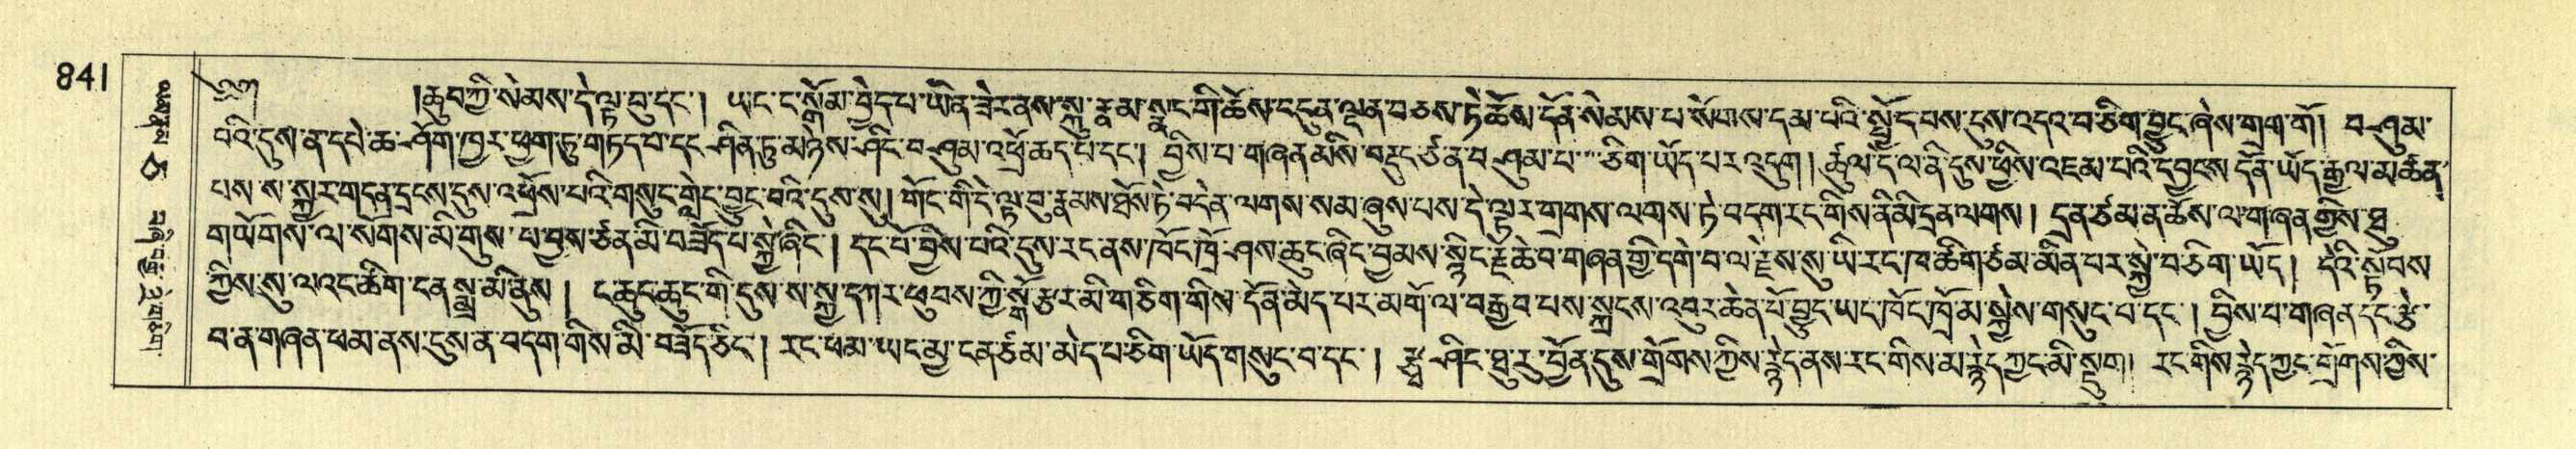༄༅། །ཆུབ་ཀྱི་སེམས་དེ་ལྟ་བུ་དང་། ཡང་ང་སྒོམ་བྱེད་པ་ཡིན་ཟེར་ནས་སྐུ་རྣམ་སྣང་གི་ཆོས་བདུན་ལྡན་བཅས་ཏེ་ཆོས་དོན་སེམས་པ་སོགས་དམ་པའི་སྤྱོད་པས་དུས་འདའ་བ་ཅིག་བྱུང་ཞེས་གྲག་གོ། བཤུམ་
བའི་དུས་ན་དཔེ་ཆ་ཤོག་ཁྱར་ཕྱག་ཏུ་གཏད་པ་དང་ཤིན་ཏུ་མཉེས་ཤིང་བཤུམ་འཕྲོ་ཆད་པ་དང་། བྱིས་པ་གཞན་མིས་བརྡུང་ཙ་ན་བཤུམ་པ་ཅིག་ཡོད་པར་འདུག། ཚུལ་དེ་ལ་ནི་དུས་ཕྱིས་འཇམ་པའི་དབྱངས་དོན་ཡོད་རྒྱལ་མཚན་
པས་ས་སྐྱར་གདན་དྲངས་དུས་འཕྲོས་པའི་གསུང་གླེང་བྱུང་བའི་དུས་སུ། གོང་གི་དེ་ལྟ་བུ་རྣམས་ཐོས་ཏེ་བདེན་ལགས་སམ་ཞུས་པས་དེ་ལྟར་གྲགས་ལགས་ཏེ་བདག་རང་གིས་ནི་མི་དྲན་ལགས། དྲན་ཙམ་ན་ཆོས་ལ་གཞན་གྱིས་ཐུ་
གཡོགས་ལ་སོགས་མི་གུས་པ་བྱས་ཙན་མི་བཟོད་པ་སྐྱེ་ཞིང་། དང་པོ་བྱིས་པའི་དུས་རང་ནས་ཁོང་ཁྲོ་ཤས་ཆུང་ཞིང་བྱམས་སྙིང་རྗེ་ཆེ་བ་གཞན་གྱི་དགེ་བ་ལ་རྗེས་སུ་ཡི་རང་ཁ་ཚིག་ཙམ་མིན་པར་སྐྱེ་བ་ཅིག་ཡོད། དེའི་སྟོབས་
ཀྱིས་སུ་ལའང་ཚིག་ངན་སྨྲ་མི་ནུས། ང་ཆུང་ཆུང་གི་དུས་ས་སྐྱ་དཀར་ཕུབས་ཀྱི་སྒོ་རྩར་མི་གཅིག་གིས་དོན་མེད་པར་མགོ་ལ་བརྒྱབ་པས་སྐྲངས་འབུར་ཆེན་པོ་བྱུང་ཡང་ཁོང་ཁྲོ་མ་སྐྱེས་གསུང་བ་དང་། བྱིས་པ་གཞན་དང་རྩེ་
བ་ན་གཞན་ཕམ་ནས་དུས་ན་བདག་གིས་མི་བཟོད་ཅིང་། རང་ཕམ་ཡང་མྱ་ངན་ཙམ་མེད་པ་ཅིག་ཡོད་གསུང་བ་དང་། རྩྭ་ཤིང་ཐུ་རུ་བྱོན་དུས་གྲོགས་ཀྱིས་རྙེད་ནས་རང་གིས་མ་རྙེད་ཀྱང་མི་སྡུག། རང་གིས་རྙེད་ཀྱང་གྲོགས་ཀྱིས་